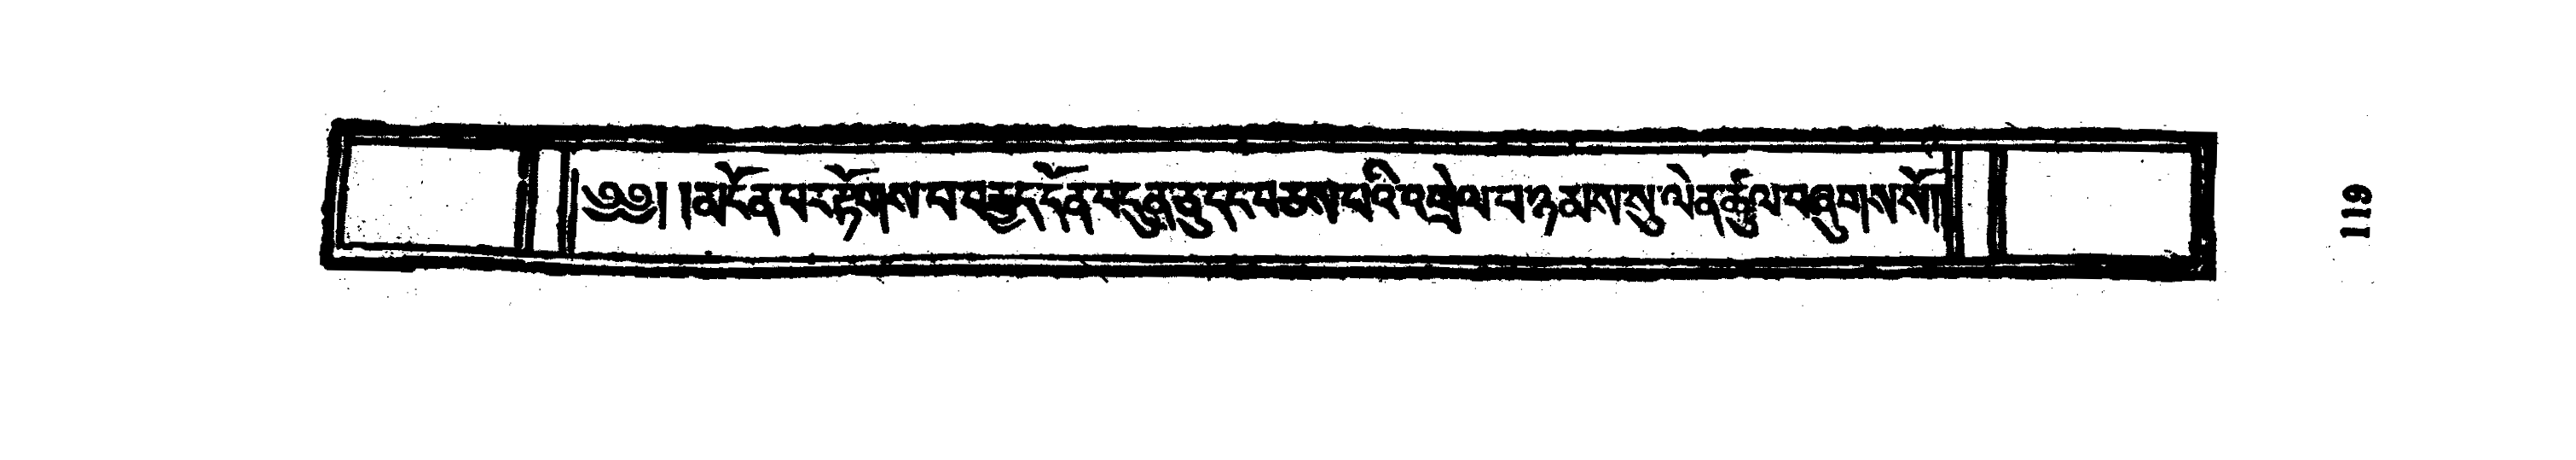༄༅། །མངོན་པར་རྟོགས་པ་བརྒྱད་དོན་བདུན་ཅུ་དང་བཅས་པའི་འགྲེལ་པ་ཉམས་སུ་ལེན་ཚུལ་བཞུགས་སོ། །